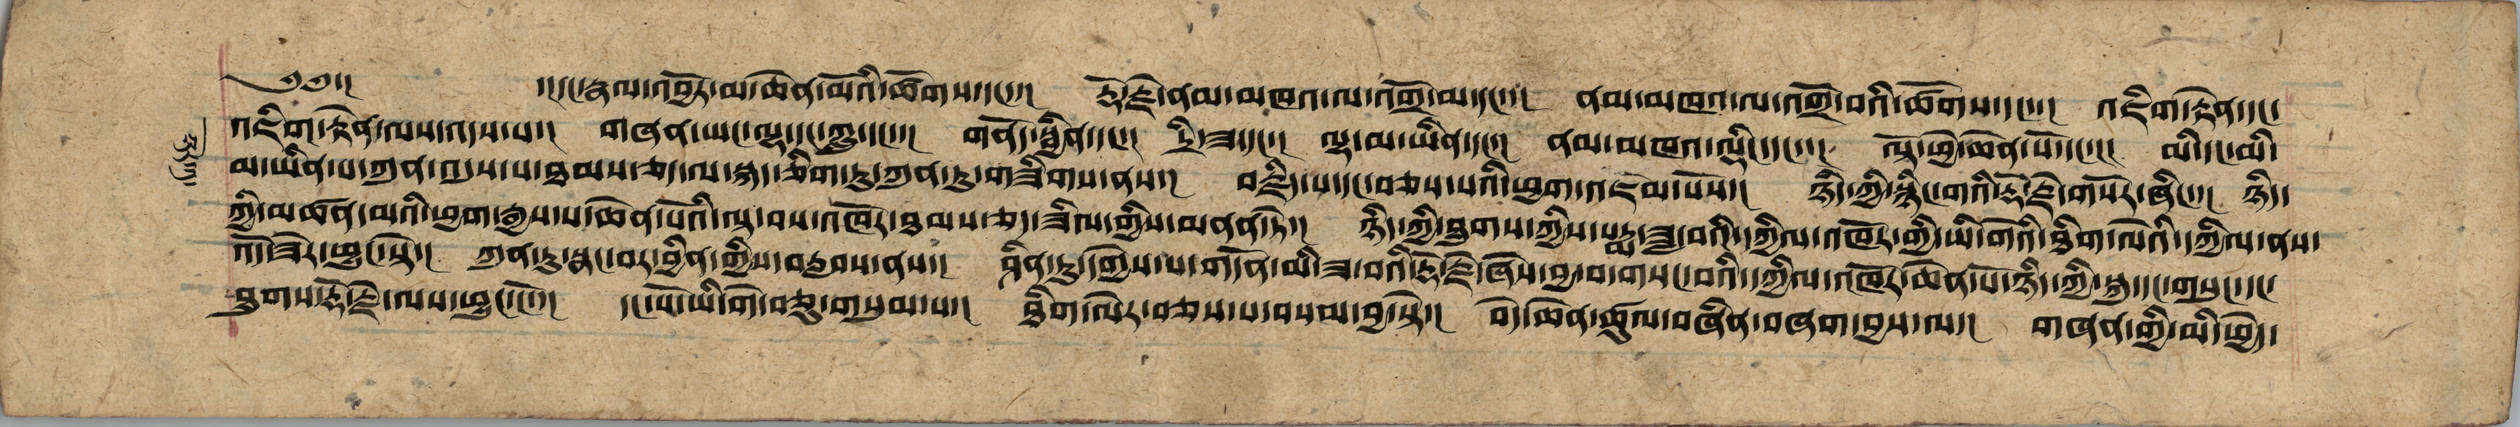༄༅་། ་།དང་རྣལ་འབྱོར་མ་ཆེན་མོའི་ཚོགས་དང་་། རྡོ་རྗེ་ནམ་མཁའ་ལ་འགྲོ་མ་དང་་། ནམ་མཁའ་ལ་འགྲོ་བའི་ཚོགས་དང་་། འཇིག་རྟེན་དང་
འཇིག་རྟེན་ལས་འདས་པ་། གཞན་ཡང་ལྷ་དང་ཀླུ་དང་་། གནོད་སྦྱིན་དང་། དྲི་ཟ་དང་། ལྷ་མ་ཡིན་དང་། ནམ་མཁའ་ལྡིང་དང་་། ལྟོ་ཕྱེ་ཆེན་པོ་དང་་། མི་དང་མི་
མ་ཡིན་པ་ཀུན་འདུས་པ་ཐམས་ཅད་ལ་སྐད་ཅིག་ཏུ་ཀུན་ཏུ་གཟིགས་ནས་། བརྗིད་པ་དང་བཅས་པའི་ཕྱག་འཇམ་པོས་། ཉིད་ཀྱི་སྙིང་གའི་རྡོ་རྗེ་གསོར་ཞིང་་། ཉིད་
ཀྱི་མཚན་མའི་ཕྱག་རྒྱས་པ་ཆེན་པོའི་ལྟ་བས་འཁོར་ཐམས་ཅད་ཟིལ་གྱིས་མནན་ཏེ་། ཉིད་ཀྱི་ཐུགས་ཀྱིས་པདྨ་ཟླ་བའི་དཀྱིལ་འཁོར་གྱི་ཡི་གེའི་ཐིག་ལེའི་དཀྱིལ་ནས་
འོད་ཟེར་ཕྱུང་སྟེ་། ཀུན་ཏུ་སྣང་བར་བྱིན་གྱིས་བརླབས་ནས་། ཤིན་ཏུ་དགྱེས་པ་གདོན་མི་ཟ་བའི་རྡོ་རྗེ་ཞེས་བྱ་བ་གསང་བའི་དཀྱིལ་འཁོར་ཆེན་པོ་ཉིད་ཀྱི་སྐུ་དང་གསུང་དང་
ཐུགས་རྡོ་རྗེ་ལས་ཕྱུང་ངོ་་། དང་པོ་ཡི་གེ་བཅུ་གསུམ་པ་། ཐིག་ལེར་བཅས་པ་བསམ་བྱ་སྟེ་། བདེ་ཆེན་ཚུལ་བཞིན་བཞག་བྱས་ལ་། གཞན་གྱི་མི་ཕྱེད་